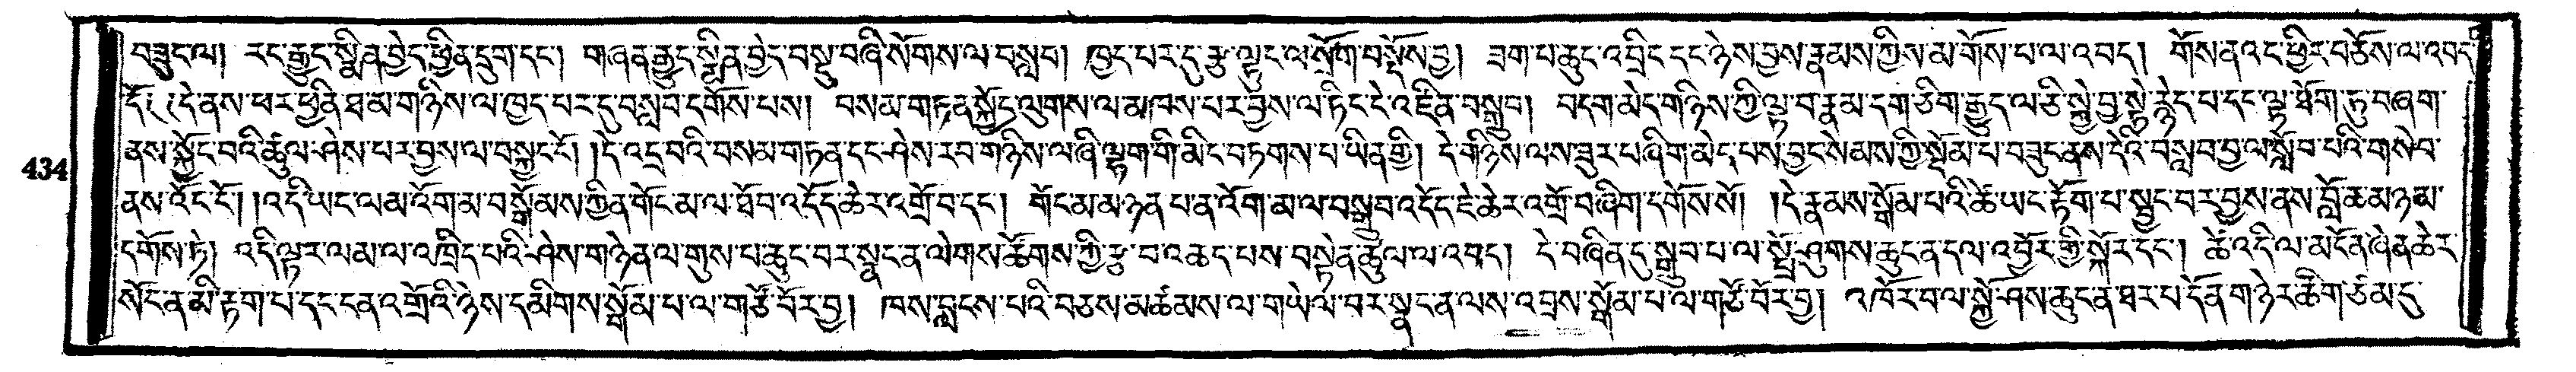བཟུང་ལ། རང་རྒྱུད་སྨིན་བྱེད་ཕྱིན་དྲུག་དང་། གཞན་རྒྱུད་སྨིན་བྱེད་བསྡུ་བཞི་སོགས་ལ་བསླབ། ཁྱད་པར་དུ་རྩ་ལྟུང་ལ་སྲོག་བསྡོས་བྱ། ཟག་པ་ཆུང་འབྲིང་དང་ཉེས་བྱས་རྣམས་ཀྱིས་མགོས་པ་ལ་འབད། གོས་ནའང་ཕྱིར་བཅོས་ལ་འབད་
དོ༑ ༑དེ་ནས་ཕར་ཕྱིན་ཐ་མ་གཉིས་ལ་ཁྱད་པར་དུ་བསླབ་དགོས་པས། བསམ་གཏན་སྐྱོང་ལུགས་ལ་མཁས་པར་བྱས་ལ་ཏིང་ངེ་འཛིན་བསྒྲུབ། བདག་མེད་གཉིས་ཀྱི་ལྟ་བ་རྣམ་དག་ཅིག་རྒྱུད་ལ་ཅི་སྐྱེ་བྱ་སྟེ་རྙེད་པ་དང་ལྟ་ཐོག་ཏུ་བཞག་
ནས་སྐྱོང་བའི་ཚུལ་ཤེས་པར་བྱས་ལ་བསྐྱང་ངོ། །དེ་འདྲ་བའི་བསམ་གཏན་དང་ཤེས་རབ་གཉིས་ལ་ཞི་ལྷག་གི་མིང་བཏགས་པ་ཡིན་གྱི། དེ་གཉིས་ལས་ཟུར་པ་ཞིག་མེད་པས་བྱང་སེམས་ཀྱི་སྡོམ་པ་བཟུང་ནས་དེའི་བསླབ་བྱ་ལ་སློབ་པའི་གསེབ་
ནས་འོང་ངོ། །འདི་ཡང་ལམ་འོག་མ་བསྒོམས་ཀྱིན་གོང་མ་ལ་ཐོབ་འདོད་ཆེར་འགྲོ་བ་དང་། གོང་མ་མཉན་པ་ན་འོག་མ་ལ་བསྒྲུབ་འདོད་ཇེ་ཆེར་འགྲོ་བ་ཞིག་དགོས་སོ། །དེ་རྣམས་སྒོམ་པའི་ཚེ་ཡང་རྟོག་པ་སྦྱང་བར་བྱས་ནས་བློ་ཆ་མཉམ་
དགོས་ཏེ། འདི་ལྟར་ལམ་ལ་འཁྲིད་པའི་ཤེས་གཉེན་ལ་གུས་པ་ཆུང་བར་སྣང་ན་ལེགས་ཚོགས་ཀྱི་རྩ་བ་འཆད་པས་བསྟེན་ཚུལ་ལ་འབད། དེ་བཞིན་དུ་སྒྲུབ་པ་ལ་སྤྲོ་ཤུགས་ཆུང་ན་དལ་འབྱོར་གྱི་སྐོར་དང་། ཚེ་འདི་ལ་མངོན་ཞེན་ཆེར་
སོང་ན་མི་རྟག་པ་དང་ངན་འགྲོའི་ཉེས་དམིགས་སྒོམ་པ་ལ་གཙོ་བོར་བྱ། ཁས་བླངས་པའི་བཅས་མཚམས་ལ་གཡེལ་བར་སྣང་ན་ལས་འབྲས་སྒོམ་པ་ལ་གཙོ་བོར་བྱ། འཁོར་བ་ལ་སྐྱོ་ཤས་ཆུང་ན་ཐར་པ་དོན་གཉེར་ཚིག་ཙམ་དུ་